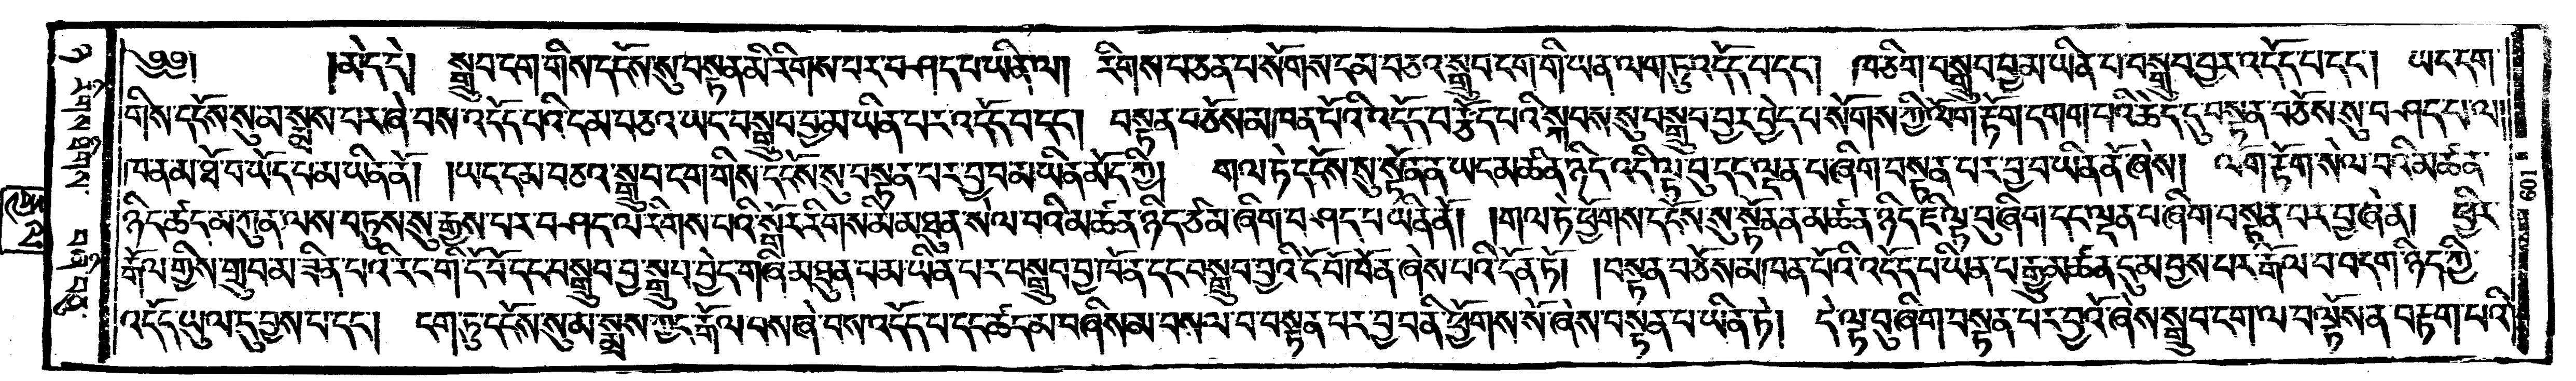༄༅། །མེད་དེ། སྒྲུབ་ངག་གིས་དངོས་སུ་བསྟན་མི་རིགས་པར་བཤད་པ་ཡིན་ལ། རིགས་པ་ཅན་པ་སོགས་དམ་བཅའ་སྒྲུབ་ངག་གི་ཡན་ལག་ཏུ་འདོད་པ་དང་། ཁ་ཅིག་བསྒྲུབ་བྱ་མ་ཡིན་པ་བསྒྲུབ་བྱར་འདོད་པ་དང་། ཡང་དག་
གིས་དངོས་སུ་མ་སྨྲས་པར་ཞེ་བས་འདོད་པའི་དམ་བཅའ་ཡང་བསྒྲུབ་བྱ་མ་ཡིན་པར་འདོད་བ་དང་། བསྟན་བཅོས་མཁན་པོའི་འདོད་བ་རྩོད་པའི་སྐབས་སུ་བསྒྲུབ་བྱར་བྱེད་པ་སོགས་ཀྱི་ལོག་རྟོག་དགག་པའི་ཆེད་དུ་བསྟན་བཅོས་སུ་བཤད་པ་ལ།
ཁ་ན་མ་ཐོ་བ་ཡོད་པ་མ་ཡིན་ནོ། །ཡང་དམ་བཅའ་སྒྲུབ་ངག་གིས་དངོས་སུ་བསྟན་པར་བྱ་བ་མ་ཡིན་མོད་ཀྱི། གལ་ཏེ་དངོས་སུ་སྟོན་ན་ཡང་མཚན་ཉིད་འདི་ལྟ་བུ་དང་ལྡན་པ་ཞིག་བསྟན་པར་བྱ་བ་ཡིན་ནོ་ཞེས། ལོག་རྟོག་སེལ་བའི་མཚན་
ཉིད་ཚད་མ་ཀུན་ལས་བཏུས་སུ་རྒྱས་པར་བཤད་ལ་རིགས་པའི་སྒོར་རིགས་མི་མཐུན་སེལ་བའི་མཚན་ཉིད་ཙམ་ཞིག་བཤད་པ་ཡིན་ནོ། །གལ་ཏེ་ཕྱོགས་དངོས་སུ་སྟོན་ན་མཚན་ཉིད་ཇི་ལྟ་བུ་ཞིག་དང་ལྡན་པ་ཞིག་བསྟན་པར་བྱ་ཞེ་ན། ཕྱིར་
རྒོལ་གྱིས་གྲུབ་མ་ཟིན་པའི་རང་གི་ངོ་བོ་དང་བསྒྲུབ་བྱ་སྒྲུབ་བྱེད་གཞི་མཐུན་པ་མ་ཡིན་པར་བསྒྲུབ་བྱ་ཁོ་ན་དང་བསྒྲུབ་བྱའི་ངོ་བོ་ཁོ་ན་ཞེས་པའི་དོན་ཏོ། །བསྟན་བཅོས་མཁན་པོའི་འདོད་པ་ཡིན་པ་རྒྱུ་མཚན་དུ་མ་བྱས་པར་རྒོལ་བ་བདག་ཉིད་ཀྱི་
འདོད་ཡུལ་དུ་བྱས་པ་དང་། ངག་ཏུ་དངོས་སུམ་སྨྲས་ཀྱང་རྒོལ་བས་ཞེ་བས་འདོད་པ་དང་ཚད་མ་བཞིས་མ་བསལ་བ་བསྟན་པར་བྱ་བ་ནི་ཕྱོགས་སོ་ཞེས་བསྟན་པ་ཡིན་ཏེ། དེ་ལྟ་བུ་ཞིག་བསྟན་པར་བྱའོ་ཞེས་སྒྲུབ་ངག་ལ་བལྟོས་ན་བརྟག་པའི་